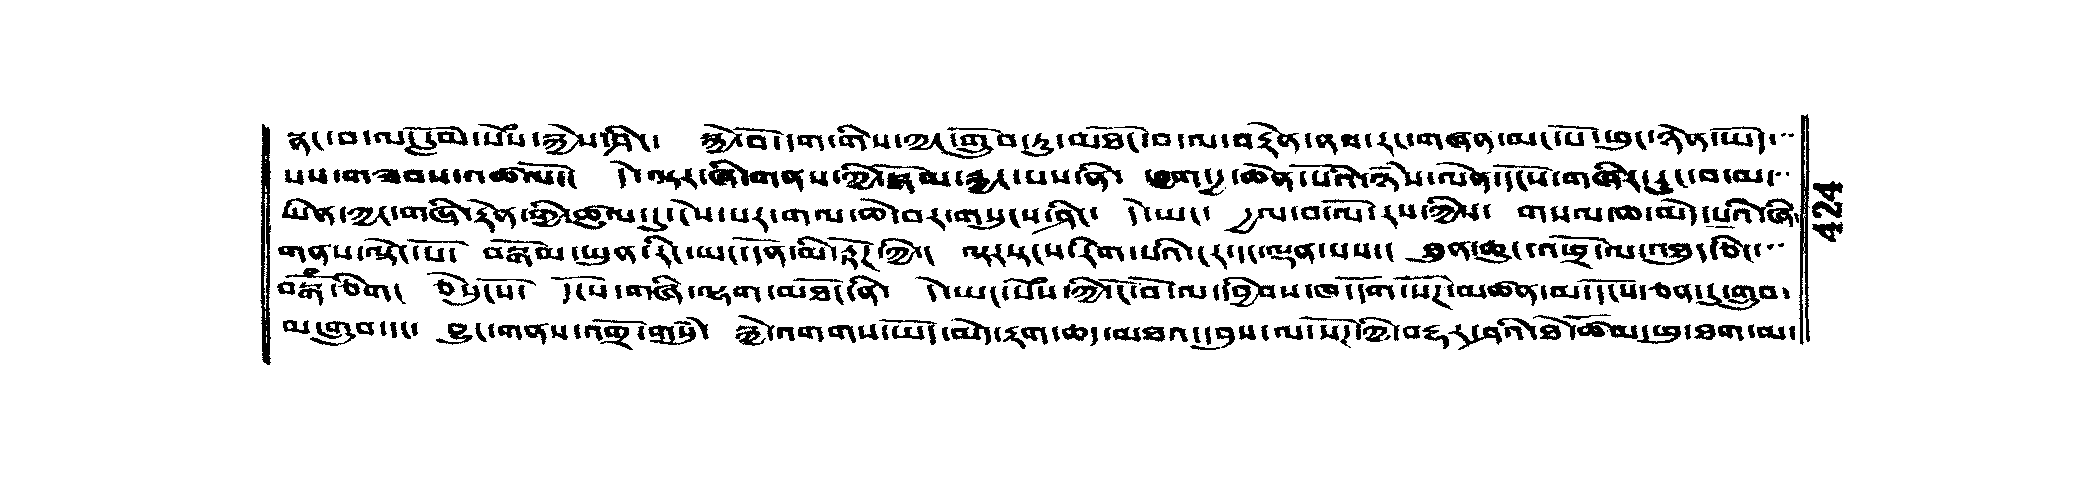སྣང་བ་ལ་རློམ་སེམས་སྐྱེས་ཤིང་། སྐྱེ་བོ་དག་གིས་ཀྱང་གྲུབ་ཐོབ་ཏུ་མཐོང་བ་ལ་བརྟེན་ནས་རང་གཞན་མང་པོ་ཕུང་ཉེན་ཡོད་
པས་གཟབ་འཚལ་ལོ། དེ་ལྟར་ཞི་གནས་ཀྱི་སྒོམ་རྐྱང་པས་ནི། ཕྱག་རྒྱ་ཆེན་པོའི་ཉམས་ལེན་དངོས་གཞིར་རུང་བ་མ་
ཡིན་ཀྱང་གཞི་རྟེན་གྱི་ཚུལ་དུ་ངེས་པར་གལ་ཆེ་བར་གསུངས་ཤིང་། དེ་ཡང་། རྒྱལ་བ་ལོ་རས་ཀྱིས། གསལ་ཆ་མེད་པའི་ཞི་
གནས་ལྟེང་པོ། །བསྒོམ་ཡུན་རིང་ཡང་དོན་མི་རྟོགས་ཀྱི། །ལྟ་སྟངས་རིག་པའི་ངར་དང་ལྡན་པས། །ཐུན་ཆུང་འཕྲོ་ལ་འཐུད་ཅིང་
བསྒོམ་ཞིག ཅེས་གསུངས་སོ། དངོས་གཞི་ལྷག་མཐོང་ནི། དེ་ཡང་སེམས་ཀྱི་ངོ་བོ་ལ་དབྱིབས་ཁ་དོག་སོགས་མཚན་མ་དངོས་ཅན་དུ་གྲུབ་
མ་གྲུབ་དང་། བྱུང་གནས་འགྲོ་གསུམ། སྐྱེ་འགགས་ཡོད་མེད། རྟག་ཆད་མཐའ་དབུས་ལ་སོགས་ཀྱི་བརྡར་ཤའི་ཐེ་ཚོམ་ཕུ་ཐག་མ་